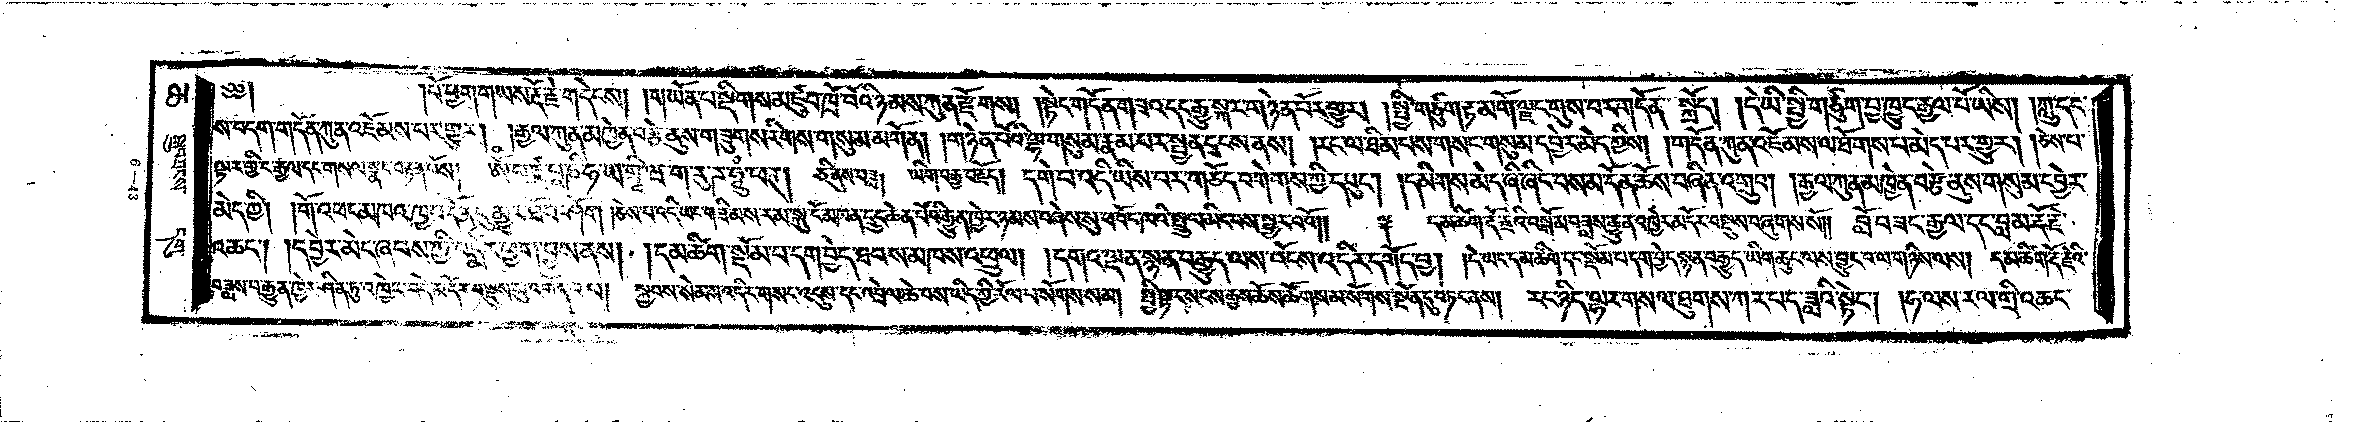༄༅། །པོ་ཕྱག་གཡས་རྡོ་རྗེ་གདེངས། །གཡོན་པ་སྡིགས་མཛུབ་ཁྲོ་བོའི་ཉིམས་ཀུན་རྫོགས། །སྟེང་གདོན་གཟའ་དང་རྒྱུ་སྐར་གཉེན་པོར་གྱུར། །སྤྱི་གཙུག་རྟ་མགོ་ལྗང་གུས་པར་གདོན་སྐྲོད། །དེ་ཡི་སྤྱི་གཙུག་བྱ་ཁྱུང་རྒྱལ་པོ་ཡིས། །ཀླུ་དང་
ས་བདག་གདོན་ཀུན་འཇོམས་པར་གྱུར། །རྒྱལ་ཀུན་མཁྱེན་བརྩེ་ནུས་གཟུགས་རིགས་གསུམ་མགོན། །གཉེན་པོའི་ལྷ་གསུམ་རྣམ་པར་སྤྱན་དྲངས་ནས། །རང་ལ་ཐིམ་པས་གསང་གསུམ་དབྱེར་མེད་ཀྱིས། །གདོན་ཀུན་འཇོམས་ལ་ཐོགས་པ་མེད་པར་གྱུར། །ཅེས་པ་
ལྟར་གྱི་ང་རྒྱལ་དང་གསལ་སྣང་བརྟན་པོས། ཨོཾ་བཛྲ་པཱ་ཎི་ཧ་ཡ་གྲཱི་ཝ་ག་རུ་ཌ་ཧཱུཾ་ཕཊ། ཅི་ནུས་བཟླ། ཡིག་བརྒྱ་བརྗོད།  དགེ་བ་འདི་ཡིས་བར་གཅོད་བགེགས་ཀྱི་དཔུང་། །དམིགས་མེད་ཞི་ཞིང་བསམ་དོན་ཆོས་བཞིན་འགྲུབ། །རྒྱལ་ཀུན་མཁྱེན་བརྩེ་ནུས་གསུམ་དབྱེར་
མེད་ཀྱི། །གོ་འཕང་མཁའ་ཁྱབ་དོན་དུ་མྱུར་ཐོབ་ཤོག་།ཅེས་པ་འདི་ཡང་གཟིམས་རམ་སྐུ་ངོ་མཁན་དྲུང་ཆེན་པོའི་རྒྱུན་ཁྱེར་ཉམས་བཞེས་སུ་ཕ་བོང་ཁའི་སྤྲུལ་མིང་པས་སྦྱར་བའོ།། ༈ དམ་ཚིག་རྡོ་རྗེའི་བསྒོམ་བཟླས་རྒྱུན་འཁྱེར་མདོར་བསྡུས་བཞུགས་སོ།།  བློ་བཟང་རྒྱལ་དང་བླ་མ་རྡོ་རྗེ་
འཆང་། །དབྱེར་མེད་ཞབས་ཀྱི་པདམོར་ཕྱག་བྱས་ནས། །དམ་ཚིག་སྡོམ་པ་དག་བྱེད་ཐབས་མཁས་འཕྲུལ། །དགའ་ལྡན་སྙན་བརྒྱུད་ལས་འོངས་འདིར་དགོད་བྱ། །དེ་ཡང་དམ་ཚིག་དང་སྡོམ་པ་དག་བྱེད་སྙན་བརྒྱུད་ཡིག་ཆུང་ལས་བྱུང་བ་ལ་གཉིས་ལས། དམ་ཚིག་རྡོ་རྗེའི་
བཟླས་བ་རྒྱུན་ཁྱེར་ཤིན་ཏུ་འཁྱེར་བདེ་མདོར་བསྡུས་སུ་འགོད་པ་ལ། སྐྱབས་སེམས་འདིར་གསང་འདུས་དང་འབྲེལ་ཆེ་བས་ཡིད་ཀྱི་རོལ་པ་སོགས་སམ། སྤྱི་ལྟར་སངས་རྒྱས་ཆོས་ཚོགས་མ་སོགས་སྔོན་དུ་བཏང་ནས། རང་ཉིད་ལྷར་གསལ་ཐུགས་ཀར་པད་ཟླའི་སྟོང་། །ཧ་ལས་རལ་གྲི་འཆང་